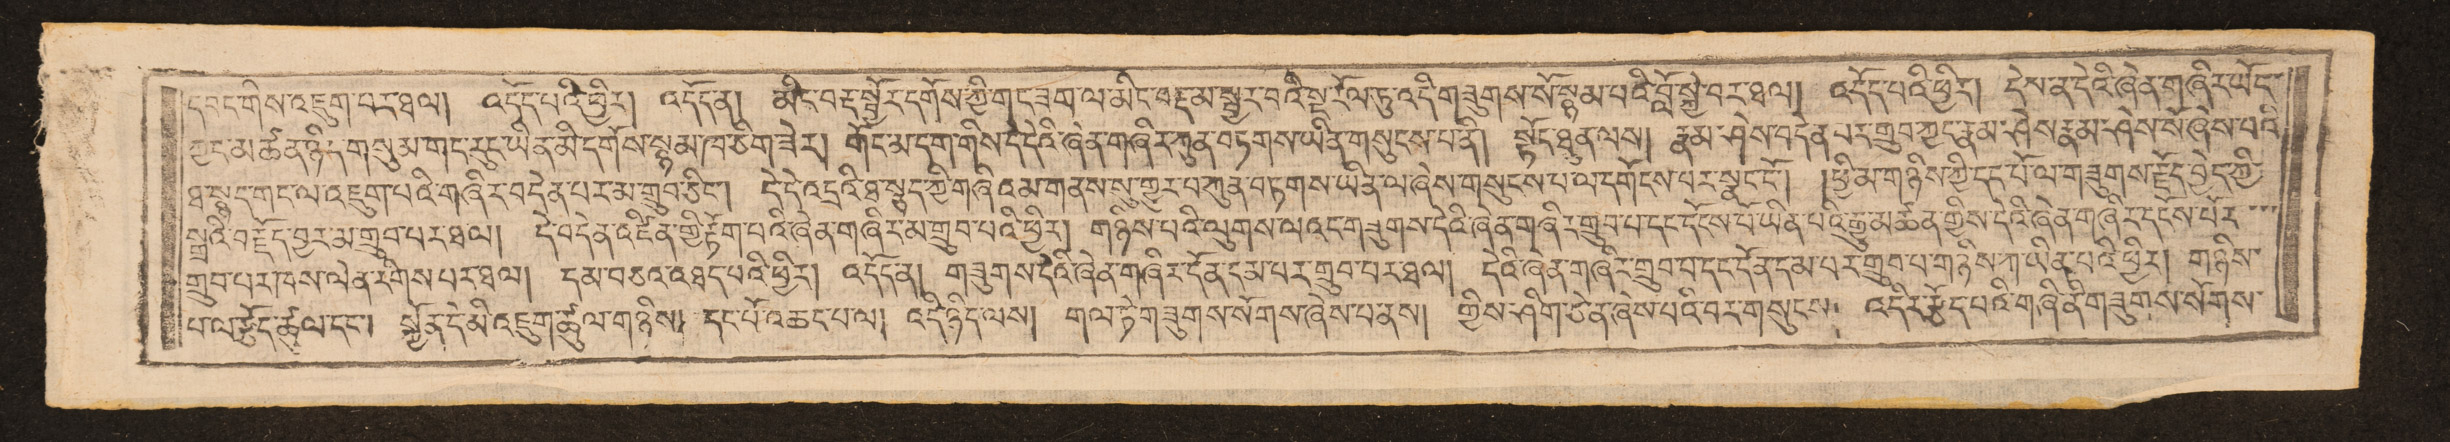དབང་གིས་འཇུག་པར་ཐལ། འདོད་པའི་ཕྱིར། འདོད་ན། མིང་བརྡ་སྦྱོར་དགོས་ཀྱི་གང་ཟག་ལ་མིང་བརྡ་མ་སྦྱར་བའི་སྔ་རོལ་ཏུ་འདི་གཟུགས་སོ་སྙམ་པའི་བློ་སྐྱེ་བར་ཐལ། འདོད་པའི་ཕྱིར། དེས་ན་དེའི་ཞེན་གཞིར་ཡོད་
ཀྱང་མཚན་ཉིད་གསུམ་གང་རུང་ཡིན་མི་དགོས་སྙམ་ཁ་ཅིག་ཟེར། གོང་མ་དག་གིས་དེ་དེའི་ཞེན་གཞིར་ཀུན་བཏགས་ཡིན་གསུངས་པ་ནི། སྟོང་ཐུན་ལས། རྣམ་ཤེས་བདེན་པར་གྲུབ་ཀྱང་རྣམ་ཤེས་རྣམ་ཤེས་སོ་ཞེས་པའི་
ཐ་སྙད་གང་ལ་འཇུག་པའི་གཞིར་བདེན་པར་མ་གྲུབ་ཅིང་། དེ་དེ་འདྲའི་ཐ་སྙད་ཀྱི་གཞི་འམ་གནས་སུ་གྱུར་པ་ཀུན་བཏགས་ཡིན་ལ་ཞེས་གསུངས་བ་ལ་དགོངས་པར་སྣང་ངོ། །ཕྱི་མ་གཉིས་ཀྱི་དང་པོ་ལ་གཟུགས་རྗོད་བྱེད་ཀྱི་
སྒྲའི་བརྗོད་བྱར་མ་གྲུབ་པར་ཐལ། དེ་བདེན་འཛིན་གྱི་རྟོག་པའི་ཞེན་གཞིར་མ་གྲུབ་པའི་ཕྱིར། གཉིས་པའི་ལུགས་ལའང་གཟུགས་དེའི་ཞེན་གཞིར་གྲུབ་པ་དང་དངོས་པོ་ཡིན་པའི་རྒྱུ་མཚན་གྱིས་དེའི་ཞེན་གཞིར་དངོས་པོར་
གྲུབ་པར་ཁས་ལེན་རིགས་པར་ཐལ། དམ་བཅའ་འཐད་པའི་ཕྱིར། འདོད་ན། གཟུགས་དེའི་ཞེན་གཞིར་དོན་དམ་པར་གྲུབ་པར་ཐལ། དེའི་ཞེན་གཞིར་གྲུབ་པ་དང་དོན་དམ་པར་གྲུབ་པ་གཉིས་ཀ་ཡིན་པའི་ཕྱིར། གཉིས་
པ་ལ་རྩོད་ཚུལ་དང་། སྐྱོན་དེ་མི་འཇུག་ཚུལ་གཉིས། དང་པོ་འཆད་པ་ལ། འདི་ཉིད་ལས། གལ་ཏེ་གཟུགས་སོགས་ཞེས་པ་ནས། གྱིས་ཤིག་ཅེན་ཞེས་པའི་བར་གསུངས། འདིར་རྩོད་པའི་གཞི་ནི་གཟུགས་སོགས་